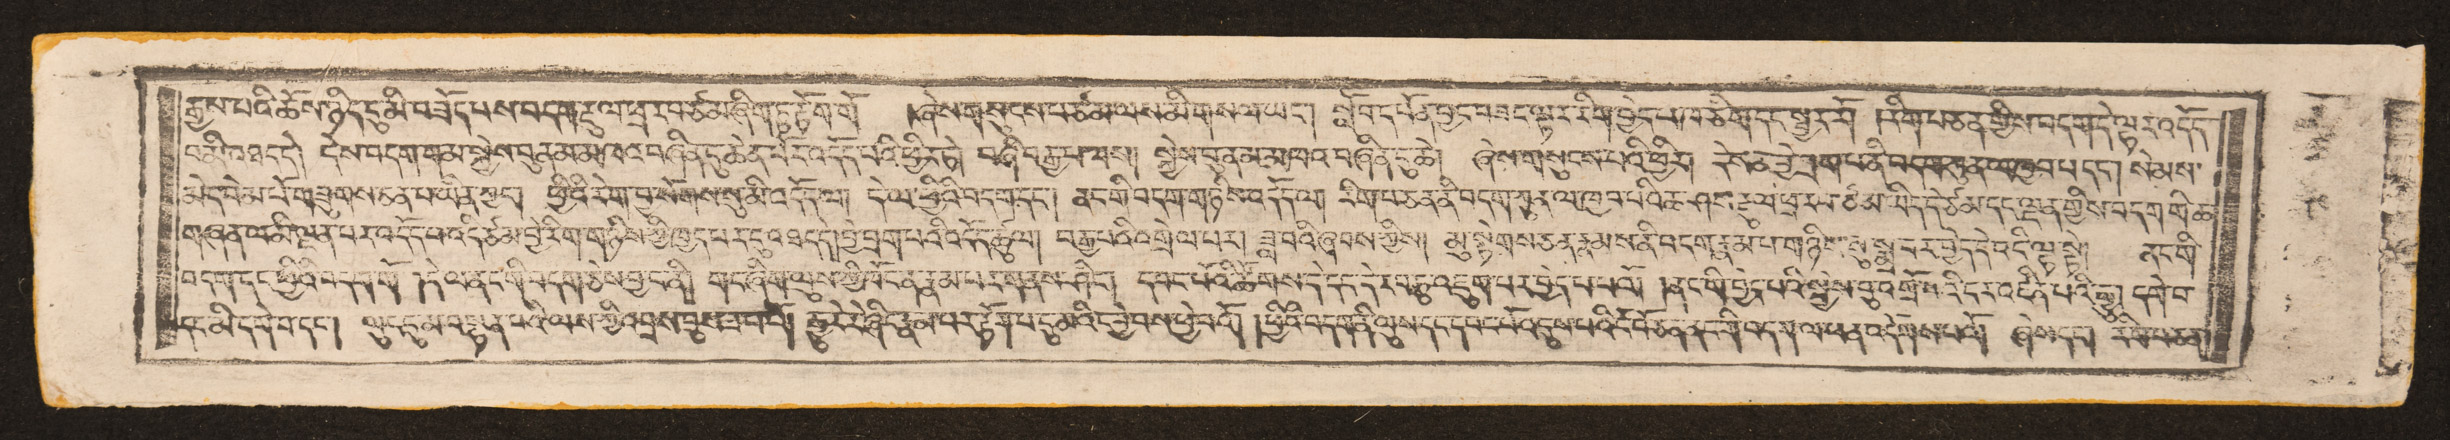ཆོས་ཉིད་དུ་མི་བཟོད་པས་བདག་རྡུལ་ཕྲ་རབ་ཙམ་ཞིག་ཏུ་རྟོག་གོ །ཞེས་གསུངས་པ་ཙམ་ལས་མི་གསལ་ཡང་། སློབ་དཔོན་བྱང་བྠང་ལྟར་རིག་བྱེད་པ་ཁ་ཅིག་དང་སྦྱར་རོ། །རིག་པ་ཅན་གྱིས་བདག་དེ་ལྟར་འདོད་པ་
མི་འཐད་དེ། དེས་བདག་གམ་སྐྱེས་བུ་ནམ་མཁའ་བཞིན་དུ་ཆེན་པོར་འདོད་པའི་ཕྱིར་ཏེ། བཞི་བརྒྱ་བ་ལས། སྐྱེ་བུ་ནམ་མཁའ་བཞིན་དུ་ཆེ། ཞེས་གསུངས་པའི་ཕྱིར། དེས་ན་བྱེ་བྲག་པ་ནི་བདག་ཀུན་ལ་ཁྱབ་པ་དང་།
སེམས་ཅེན་བེ་མདོ་གཟུགས་པ་ཡིན་ཀྱང་། ཕྱིའི་རེག་བྱ་སོགས་སུ་མི་འདོད་ལ། དེ་ལ་ཕྱིའི་བདག་དང་། ནང་གི་བདག་གཉིས་འདོད་ལ། རིག་པ་ཅན་ནི་བདག་ཀུན་ལ་ཁྱབ་པའི་ཆ་ཤས་རྡུལ་ཕྲ་རབ་ཙམ་ཡིད་དེ་དེ་ཙམ་དང་ལྡན་
གྱིས་བདག་གི་ཆ་གཞན་ལ་མི་ལྡན་པར་འདོད་པ་འདི་ཙམ་བྱེ་རིག་གཉིས་ཀྱི་ཁྱད་པར་དུ་འཐད་དེ། བྱེ་བྲག་པའི་འདོད་ཚུལ། བརྒྱ་བའི་འགྲེལ་བར། ཟླ་བའི་ཞབས་ཀྱིས། མུ་སྟེགས་ཅན་རྣམས་ཀྱི་བདག་རྣམ་པ་གཉིས་སུ་སྨྲ་བར་བྱེད་དེ་འདི་ལྟ་
སྟེ། ནང་གི་བདག་དང་ཕྱིའི་བདག་གོ །དེ་ལ་ནང་གི་བདག་ཅེས་བྱ་བ་ནི། གང་ཞིག་ལུས་ཀྱི་ཁོང་ན་རྣམ་པར་གནས་ཤིང་། དབང་པོའི་ཚོགས་དེ་དང་དེ་རབ་ཏུ་འཇུག་པར་བྱེད་པ་པོའོ། །ནང་གི་བྱེད་པའི་སྐྱེས་བུ་འགྲོ་བའི་ངར་འཛིན་པའི་རྒྱུ།
དགེ་བ་དང་མི་དགེ་བ་དང་། ལུང་དུ་མ་བསྟན་པའི་ལས་ཀྱི་འབྲས་བུས་ཟ་བའོ། རྒྱུ་རེ་རེ་ཞིང་རྣམ་པར་རྟོག་པ་དུ་མའི་དབྱེབས་ཕྱེ་བའོ། །ཕྱིའི་བདག་ནི་ལུས་དང་དབང་པོ་འདུས་པའི་ངོ་བོ་ཅན་ནང་གི་བདག་ལ་ཕན་འདོགས་པའོ། ཞེས་དང་། རིག་པ་ཅན་